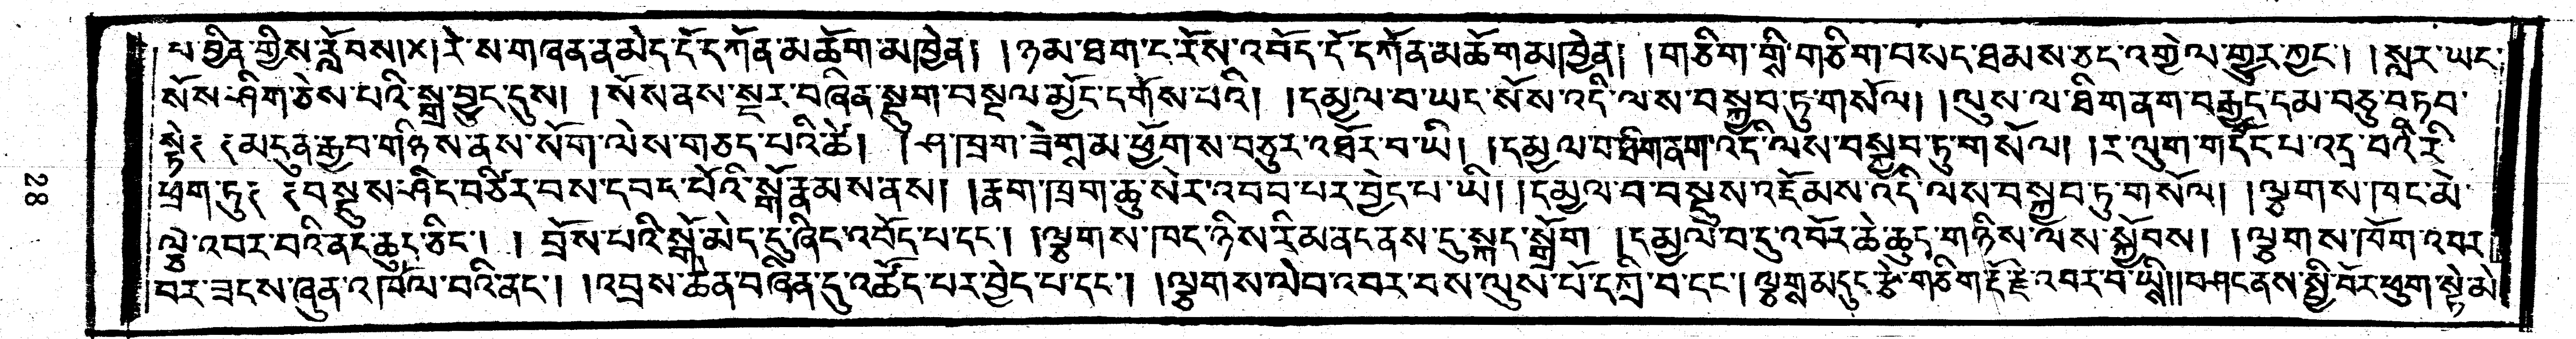པ་བྱིན་གྱིས་རློབས། ྾་།རེ་ས་གཞན་ན་མེད་དོ་དཀོན་མཆོག་མཁྱེན། །ཉམ་ཐག་ད་རོས་འབོད་དོ་དཀོན་མཆོག་མཁྱེན། །གཅིག་གིས་གཅིག་བསད་ཐམས་ཅད་འགྱེལ་གྱུར་ཀྱང་། །སླར་ཡང་
སོས་ཤིག་ཅེས་པའི་སྒྲ་བྱུང་དུས། །སོས་ནས་སྔར་བཞིན་སྡུག་བསྔལ་མྱོང་དགོས་པའི། །དམྱལ་བ་ཡང་སོས་འདི་ལས་བསྐྱབ་ཏུ་གསོལ། །ལུས་ལ་ཐིག་ནག་བརྒྱད་དམ་བཅུ་བཏབ་
སྟེ༑ ༑མདུན་རྒྱབ་གཉིས་ནས་སོག་ལེས་གཅད་པའི་ཚེ། །ཤ་ཁྲག་ཟེགས་མ་ཕྱོགས་བཅུར་འཐོར་བ་ཡི། །དམྱལ་བ་ཐིག་ནག་འདི་ལས་བསྐྱབ་ཏུ་གསོལ། །ར་ལུག་གདོང་པ་འདྲ་བའི་རི་
ཕྲག་ཏུ༑ ༑བསྡུས་ཤིང་བཙིར་བས་དབང་པོའི་སྒོ་རྣམས་ནས། །རྣག་ཁྲག་ཆུ་སེར་འབབ་པར་བྱེད་པ་ཡི། །དམྱལ་བ་བསྡུས་འཇོམས་འདི་ལས་བསྐྱབ་ཏུ་གསོལ། །ལྕགས་ཁང་མེ་
ལྕེ་འབར་བའི་ནང་ཆུད་ཅིང་། །བྲོས་པའི་སྒོ་མེད་དུ་ཞིང་འབོད་པ་དང་། །ལྕགས་ཁང་ཉིས་རིམ་ནང་ནས་དུ་སྐད་སྒྲོག །དམྱལ་བ་དུ་འབོར་ཆེ་ཆུད་གཉིས་ལས་སྐྱོབས། །ལྕགས་ཁོག་འབར་
བར་ཟངས་ཞུན་འཁོལ་བའི་ནང་། །འབྲས་ཆེན་བཞིན་དུ་འཚོད་པར་བྱེད་པ་དང་། །ལྕགས་ལེབ་འབར་བས་ལུས་པོ་དཀྲི་བ་དང་། །ལྕགས་མདུང་རྩེ་གཅིག་རྡོ་རྗེ་འབར་བ་ཡིས། །བཤང་ནས་སྤྱི་བོར་ཕུག་སྟེ་མེ་